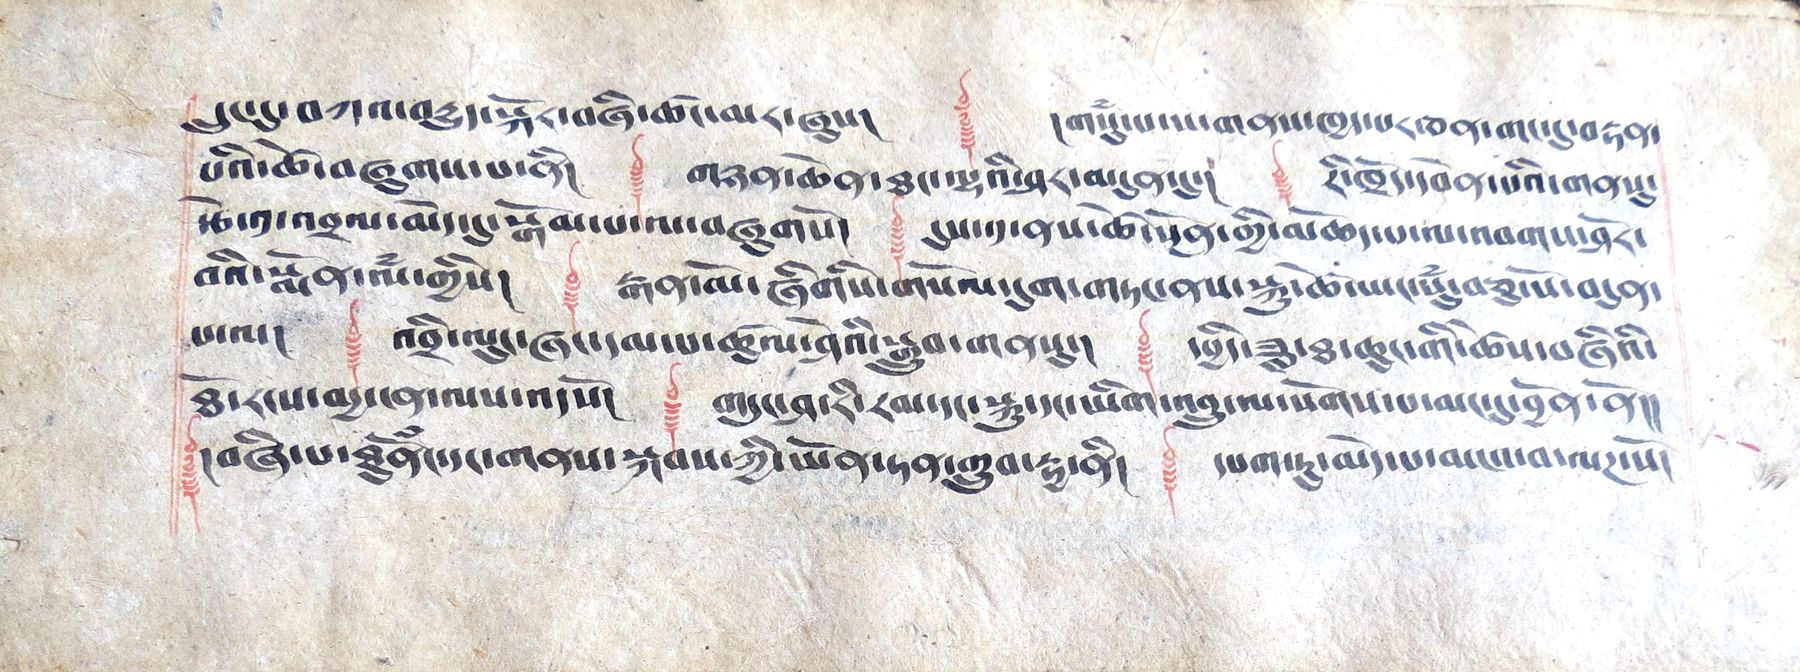དྲུང་དུ་བཀའ་རྒྱུད་སྐོར་བཞི་ཚང་བ་བཅས་ཞུས། གསུམ་པ་ས་གནས་ཁྱད་པར་ཅན་གང་དུ་བརྟན་
པའི་ཚེ་བཞུགས་པ་ནི། གཉན་ཆེན་ཐང་ལྷའི་ཤར་མདུན་དུ། རི་ཁྲོད་དབེན་པའི་གནས་སུ་
རྩེ་གཅིག་འབྲལ་མེད་དུ་སྒོམ་པ་ལ་བཞུགས་སོ། ། དུས་གཅིག་ནས་ཚེ་སྔོན་གྱི་མཆོད་པ་ལ་འབགས་ཤོར་
བའི་སྨོན་ལམ་གྱིས། རྒན་མོ་ཞིག་གིས་གསོལ་དུག་བཏང་ནས་སྐུ་ཚེ་ཡང་སུམ་ཅུ་སོ་བདུན་
པ་ལ་འབྲི་ལུང་འབྲི་ལུང་ཞང་དམ་པ་ཚུལ་ཤེས་སྒྲུབ་གནས་སུ་དཔྱིད་ཟླ་ཐ་ཆུང་གི་ཚེས་བཞིའི་
ཐོ་རངས་མྱ་ངན་ལས་འདས་སོ། ། གདུང་ཤ་རི་རམ་དང་སྐུ་དང་ཡིག་འབྲུ་ལ་སོགས་པ་མང་དུ་བྱོན་ནོ། 
བཞི་པ་ཐུན་མོང་དང་གནས་སྐབས་ཡོན་ཏན་དང་གྲུབ་རྟགས་ནི། དཔག་ཏུ་མེད་པ་མངའ་བ་ལགས་སོ། །